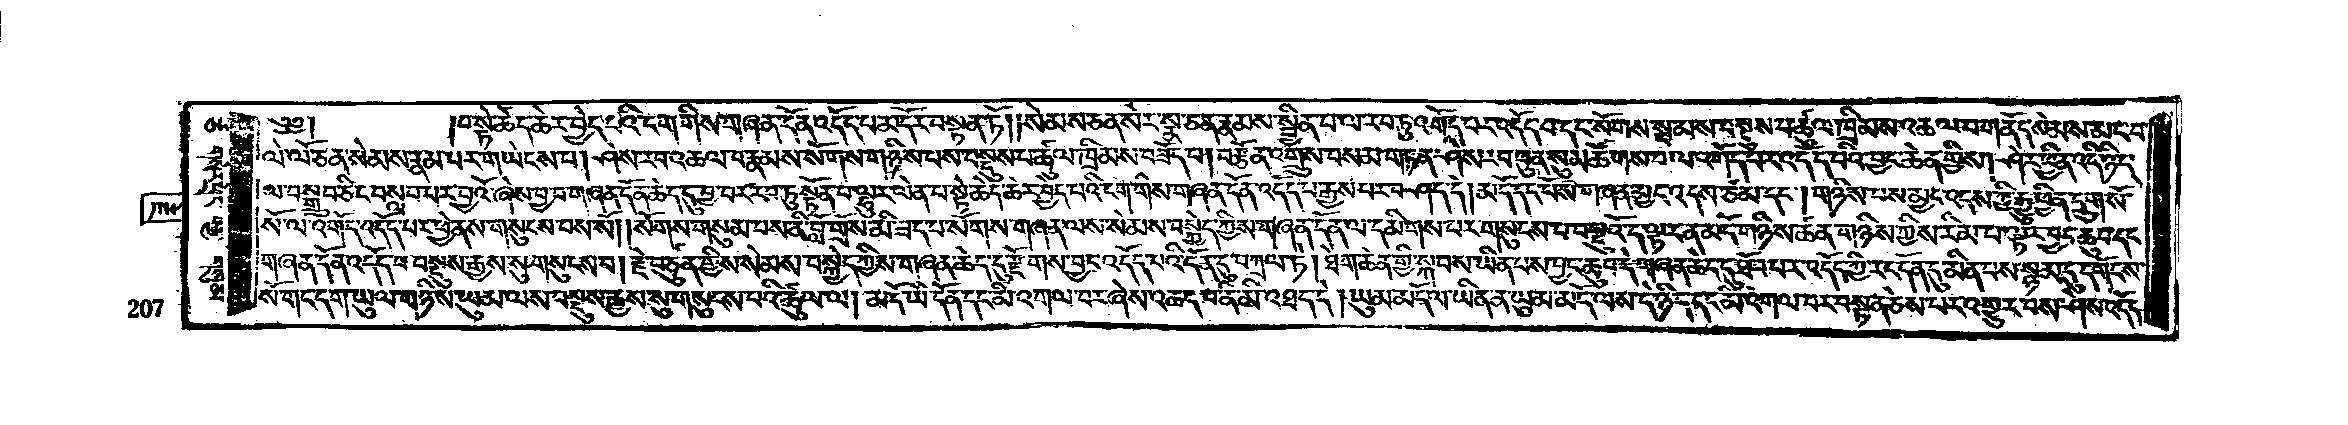༄༅། །པ་སྟེ་ཆེད་ཆེར་བྱེད་པའི་ངག་གིས་གཞན་དོན་འདོད་པ་མདོར་བསྟན་ཏོ། །སེམས་ཅན་སེར་སྣ་ཅན་རྣམས་སྦྱིན་པ་ལ་རབ་ཏུ་འགོད་པར་འདོད་པ་དང་སོགས་སྔ་མས་བསྡུས་པ་ཚུལ་ཁྲིམས་འཆལ་བ་གནོད་སེམས་མང་བ་
ལེ་ལོ་ཅན་སེམས་རྣམ་པར་གཡེངས་པ། ཤེས་རབ་འཆལ་བ་རྣམས་སོགས་གཉིས་པས་བསྡུས་པ་ཚུལ་ཁྲིམས་བཟོད་པ། བརྩོན་འགྲུས་བསམ་གཏན་ཤེས་རབ་ཕུན་སུམ་ཚོགས་པ་ལ་འགོད་པར་འདོད་པའི་བྱང་ཆེན་གྱིས། ཤེར་ཕྱིན་འདི་ཉིད་
ལ་བསྒྲུབ་ཅིང་བསླབ་པར་བྱའོ་ཞེས་བྱ་བ་གཞན་དོན་ཆེད་དུ་བྱ་བར་རབ་ཏུ་སྟོན་པ་ལྷུར་ལེན་པ་སྟེ་ཆེད་ཆེར་བྱེད་པའི་ངག་གིས་གཞན་དོན་འདོད་པ་རྒྱས་པར་བཤད་དེ། མདོ་དང་པོས་གཞན་མྱང་འདས་ཙམ་དང་། གཉིས་པས་མྱང་འདས་ཀྱི་རྒྱུ་ཕྱིན་དྲུག་སོ་
སོ་ལ་འགོད་འདོད་པར་ཕྱེ་ནས་གསུངས་པས་སོ། །སོགས་གསུམ་པས་ནི་བློ་གྲོས་མི་ཟད་པ་སོགས་གཞན་ལས་སེམས་བསྐྱེད་ཀྱིས་གཞན་དོན་ལ་དམིགས་པར་གསུངས་པ་བསྡུའོ་དེ་ལྟར་ན་མདོ་གཉིས་ཚན་གཉིས་ཀྱིས་རིམ་པ་ལྟར་བྱང་ཆུབ་དང་
གཞན་དོན་འདོད་པ་བསྡུས་རྒྱས་སུ་གསུངས་པ། རྗེ་བཙུན་གྱིས་སེམས་བསྐྱེད་ཀྱིས་གཞན་ཆེད་དུ་རྫོགས་བྱང་འདོད་པའི་དོན་དུ་བཀྲལ་ཏེ། ཐེག་ཆེན་གྱི་སྐབས་ཡིན་པས་བྱང་ཆུབ་དེ་གཞན་ཆེད་དུ་ཐོབ་པར་འདོད་ཀྱི་རང་དོན་དུ་མིན་པས་སྙམ་དུ་དགོངས་
སོ་གང་དག་ཡུལ་གཉིས་ཡུམ་ལས་བསྡུས་རྒྱས་སུ་གསུངས་པའི་ཚུལ་ལ། མདོ་ཡི་དོན་དང་མི་འགལ་བར་ཞེས་འཆད་པ་ནི་མི་འཐད་དེ། ཡུམ་མདོ་ལ་ཡིན་ན་ཡུམ་མདོ་ལས་དེ་ཉིད་དང་མི་འགལ་བར་བསྟན་ཅེས་པར་འགྱུར་བས་ཤེས་འདོད་